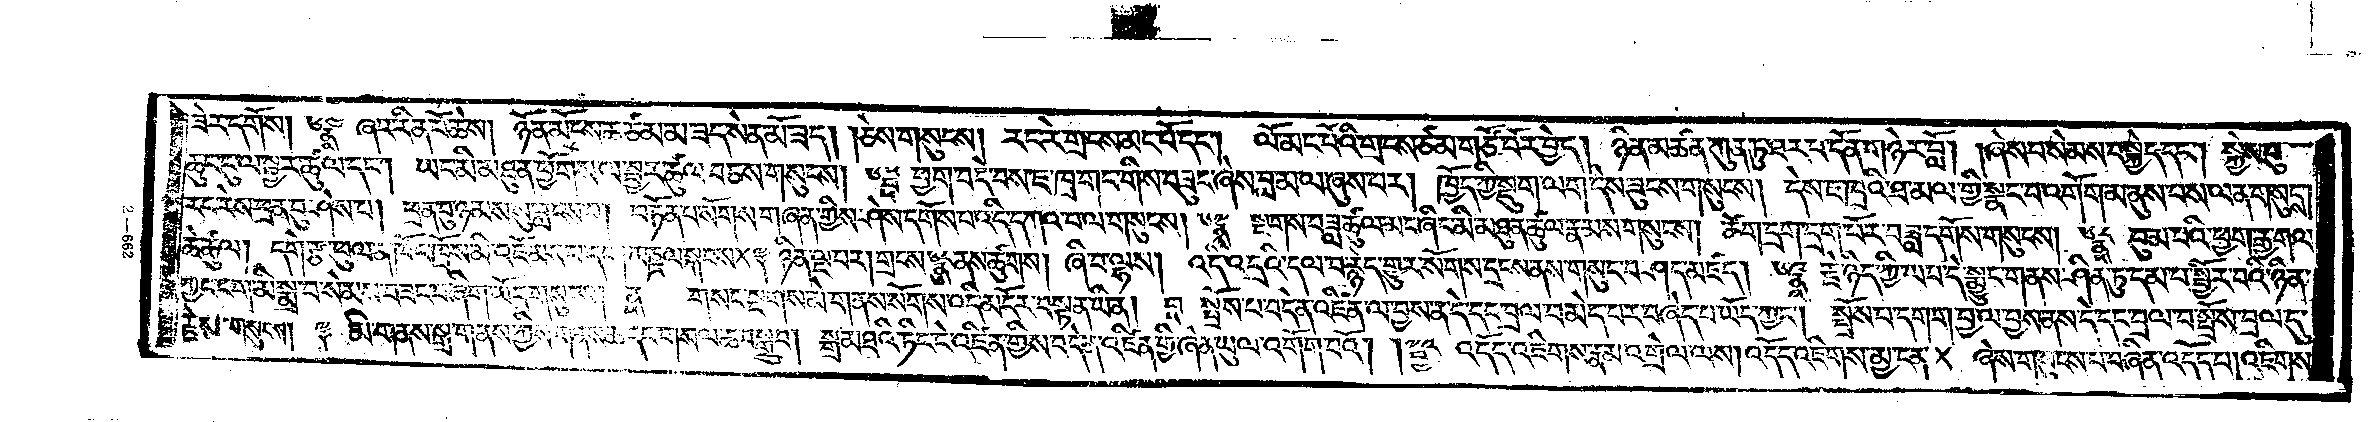ཟེར་དགོས། ༦༤ན༢་ཞར་རིན་པོ་ཆེས། ཉོན་མོངས་མ་ཙམ་མ་ཟད་སེན་མོ་ཟད། །ཅེས་གསུངས། རང་རེ་གྲངས་མང་པོ་དང་། ལོ་མང་པོའི་གྲངས་ཙམ་གཙོ་བོར་བྱེད། ཉིན་མཚན་ཀུན་ཏུ་ཐར་པ་དོན་གཉེར་བློ། །ཞེས་པ་སེམས་བསྐྱེད་དང་། སྐྱེས་བུ་
ཆུང་དུ་ལ་སྦྱར་ཚུལ་དང་། ཡང་མི་མཐུན་ཕྱོགས་ལ་སྦྱར་ཚུལ་བཅས་གསུངས། ༦༥བ༥་ཕྱག་བདེ་བས་ཇ་ཁྲ་གང་གིས་བཟུང་ཞེས་བླ་མ་ལ་ཞུས་པར། ཁྱོད་ཀྱི་སྡུག་ལག་དེས་ཟུངས་གསུངས། དེས་ཇ་ཁྲའི་ཐ་མལ་གྱི་སྣང་བ་འགོག་མ་ནུས་པས་ལན་གསུངས།
རང་རེས་ཕྲན་བུ་ཤེས་པ། ཕྲན་བུ་ཉམས་སུ་བླངས་བ། བཏོན་པ་སོགས་གཞན་གྱིས་ཤེས་དགོས་པ་འདི་དཀའ་བ་ལ་གསུངས། ༦༧ན༣་སྔགས་བཟླ་ཚུལ་མང་ཞིང་མི་མཐུན་ཚུལ་རྣམས་གསུངས། ཚེག་དྲག་དྲག་པོར་བཟླ་དགོས་གསུངས། ༦༨ན༥་བུམ་པའི་ཕྱག་རྒྱ་གལ་
རེ་ཚུལ། དགེ་རྩ་ཕུལ་ན་ཁོང་ཁྲོས་མི་འཇོམས་པ་དང་། མཎྜལ་སྐབས་྾་༈ ཉིན་ལྔ་བར། གྲངས ༦༨ན༦་ནས་ཚུགས། ཞི་བ་ལྷས། འདི་འདྲའི་དལ་བ་རྙེད་གྱུར་སོགས་དྲངས་ནས་གསུང་བཤད་མཛད། ༦༩ན༢་རྗེ་ཉིད་ཀྱི་ཡབ་དེ་སྨྱུང་གནས་ཤིན་ཏུ་དམ་པ་སྦྱོར་བའི་ཉིན་
ཀྱང་ངག་མི་སྨྲ་བ་སེམས་བཟང་བ་ཞིག་ཡོད་གསུངས། ན༥་གསང་སྔགས་མེ་གནས་སོགས་འདི་མདོར་བསྟན་ཡིན། བ༥་སྤྲོས་པ་བདེན་འཛིན་ལ་བྱས་ན་དེ་དང་བྲལ་བ་མེད་པར་བཞེད་པ་ཡོད་ཀྱང་། སྤྲོས་པ་དགག་བྱ་ལ་བྱས་ནས་དེ་དང་བྲལ་བ་སྤྲོས་བྲལ་དུ་
ཞེས་གསུངས། ༈ མི་གནས་སྒྲ་གནས་ཀྱིས་གནས་ཆ་དང་གསལ་ཆ་བསྒྱུར། སྒྲ་མཐའི་ཏིང་ངེ་འཛིན་གྱིས་འདེན་འཛིན་གྱི་ཞེན་ཡུལ་འགོག་པའོ། །༧༢ན༤་འདོད་འཇིགས་རྣམ་འགྲེལ་ལས། འདོད་འཇིགས་མྱ་ངན་྾་ཞེས་གསུངས་པ་བཞིན་འདོད་བ། འཇིགས་